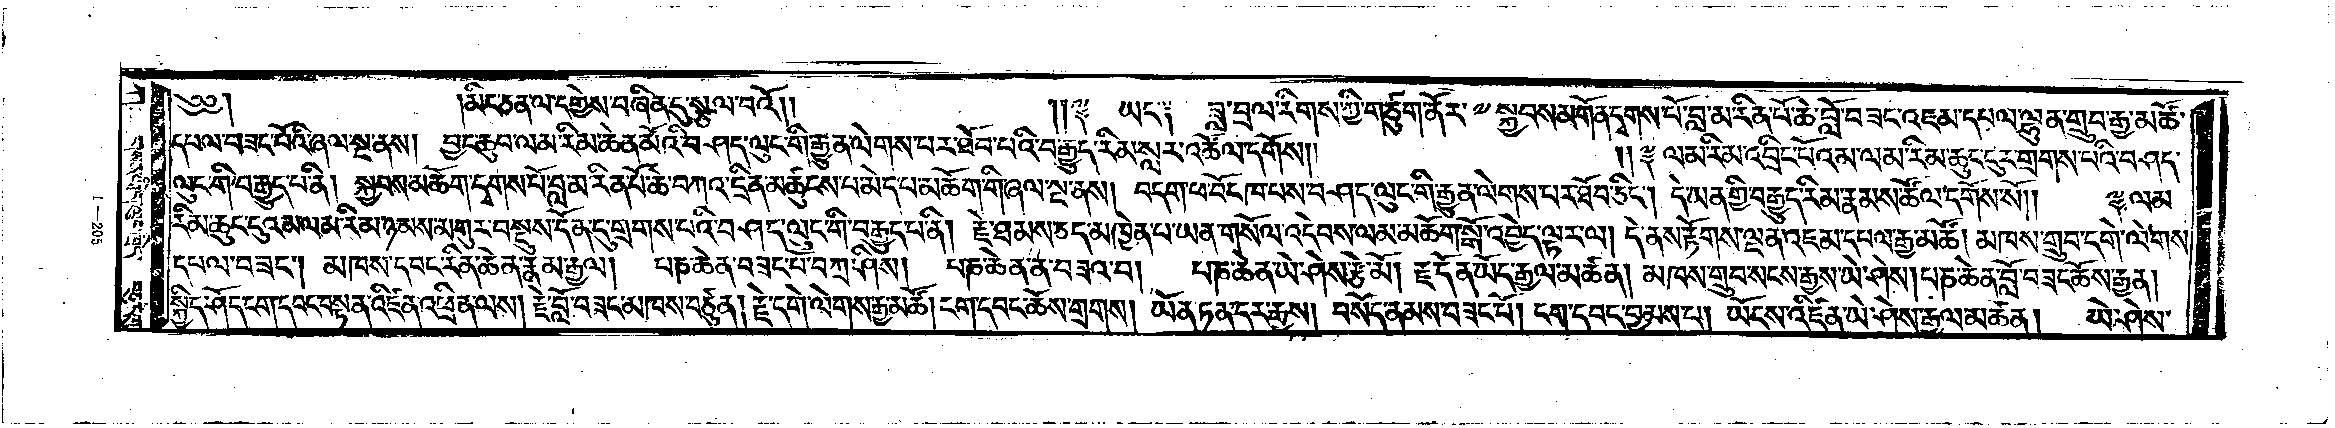༄༅། །མིང་ཅན་ལ་དགྱེས་བཞིན་དུ་སྩལ་བའོ།། །། འ་ཡང༑ ཟླ་བྲལ་རིགས་ཀྱི་གཙུག་ནོར ༧སྐྱབས་མགོན་དྭགས་པོ་བླ་མ་རིན་པོ་ཆེ་བློ་བཟང་འཇམ་དཔལ་ལྷུན་གྲུབ་རྒྱ་མཚོ་
དཔལ་བཟང་པོའི་ཞལ་སྔ་ནས། བྱང་ཆུབ་ལམ་རིམ་ཆེན་མོའི་བཤད་ལུང་གི་རྒྱུན་ལེགས་པར་ཐོབ་པའི་བརྒྱུད་རིམ་སླར་འཚོལ་དགོས།། །། འ་ལམ་རིམ་འབྲིང་པོའམ་ལམ་རིམ་ཆུང་ངུར་གྲགས་པའི་བཤད་
ལུང་གི་བརྒྱུད་པ་ནི། སྐྱབས་མཆོག་དྭགས་པོ་བླ་མ་རིན་པོ་ཆེ་བཀའ་དྲིན་མཚུངས་པ་མེད་པ་མཆོག་གི་ཞལ་སྔ་ནས། བདག་ཕ་བོང་ཁ་པས་བཤད་ལུང་གི་རྒྱུན་ལེགས་པར་ཐོབ་ཅིང་། དེ་ཡན་གྱི་བརྒྱུད་རིམ་རྣམས་ཚོལ་དགོས་སོ།། འ་ལམ་
རིམ་ཆུང་ངུའམ་ལམ་རིམ་ཉམས་མགུར་བསྡུས་དོན་དུ་གྲགས་པའི་བཤད་ལུང་གི་བརྒྱུད་པ་ནི། རྗེ་ཐམས་ཅད་མཁྱེན་པ་ཡན་གསོལ་འདེབས་ལམ་མཆོག་སྒོ་འབྱེད་ལྟར་ལ། དེ་ནས་རྟོགས་ལྡན་འཇམ་དཔལ་རྒྱ་མཚོ། མཁས་གྲུབ་དགེ་ལེགས་
དབལ་བཟང་། མཁས་དབང་རིན་ཆེན་རྣམ་རྒྱལ། པཎ་ཆེན་བཟང་པོ་བཀྲ་ཤིས། པཎ་ཆེན་ན་བཟའ་བ། པཎ་ཆེན་ཡེ་ཤེས་རྩེ་མོ། རྗ་དོན་ཡོད་རྒྱལ་མཚན། མཁས་གྲུབ་སངས་རྒྱས་ཡེ་ཤེས། པཎ་ཆེན་བློ་བཟང་ཆོས་རྒྱན།
སྐྱིད་ཤོད་ངག་དབང་བསྟན་འཛིན་འཕྲིན་ལས། རྗེ་བློ་བཟང་མཁས་བཙུན། རྗེ་དགེ་ལེགས་རྒྱ་མཚོ། ངག་དབང་ཆོས་གྲགས། ཡོན་ཏན་དར་རྒྱས། བསོད་ནམས་བཟང་པོ། ངག་དབང་བྱམས་པ། ཡོངས་འཛིན་ཡེ་ཤེས་རྒྱལ་མཚན། ཡེ་ཤེས་